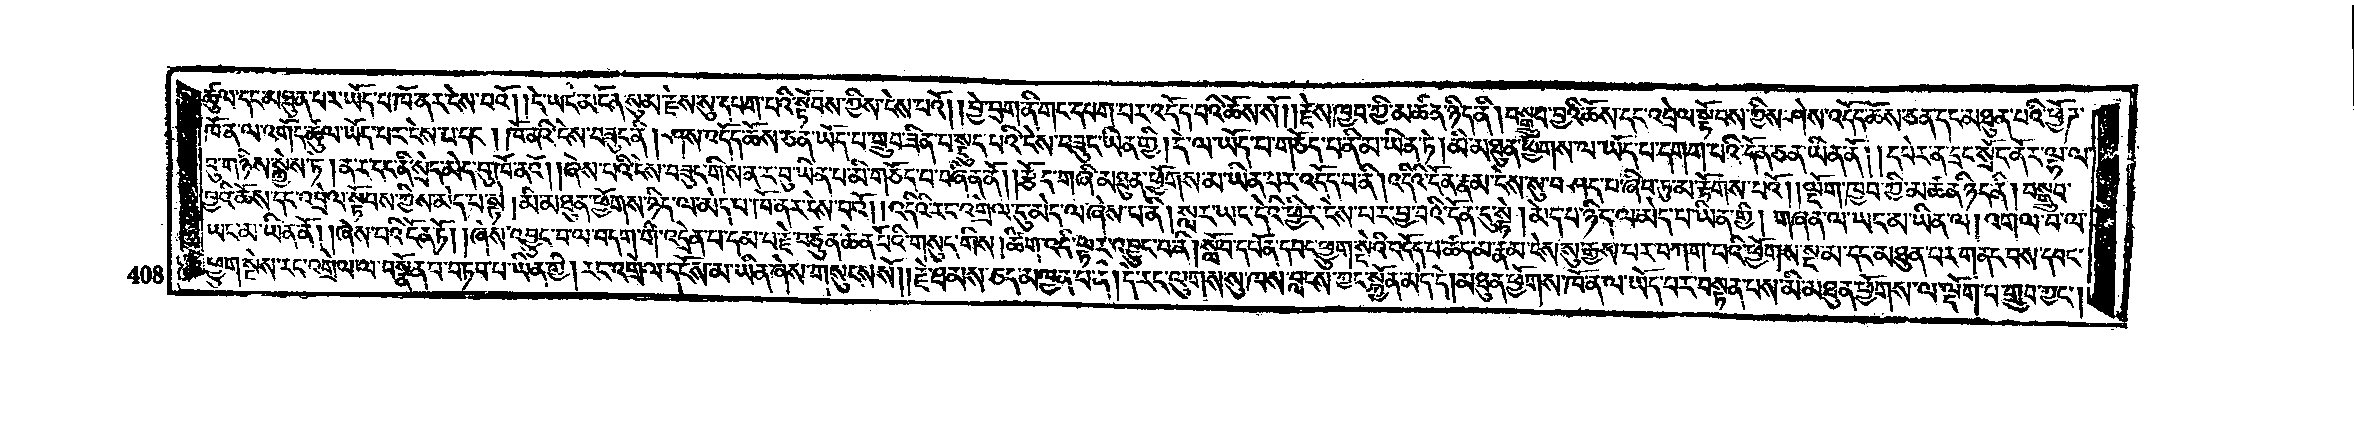ཚུལ་དང་མཐུན་པར་ཡོད་པ་ཁོ་ནར་ངེས་པའོ། །དེ་ཡང་མངོན་སུམ་རྗེས་སུ་དཔག་པའི་སྟོབས་ཀྱིས་ངེས་པའོ། །བྱེ་བྲག་ནི་གང་དཔག་པར་འདོད་པའི་ཆོས་སོ། །རྗེས་ཁྱབ་ཀྱི་མཚན་ཉིད་ནི། བསྒྲུབ་བྱའི་ཆོས་དང་འབྲེལ་སྟོབས་ཀྱིས་ཤེས་འདོད་ཆོས་ཅན་དང་མཐུན་པའི་ཕྱོགས་
ཁོ་ན་ལ་འགོད་ཚུལ་ཡོད་པར་ངེས་པ་དང་། ཁོ་ནའི་ངེས་བཟུང་ནི། ཤས་འདོད་ཆོས་ཅན་ཡོད་པ་གྲུབ་ཟིན་པ་སྡུད་པའི་ངེས་བཟུང་ཡིན་གྱི། དེ་ལ་ཡོད་པ་གཅོད་པ་ནི་མ་ཡིན་ཏེ། མི་མཐུན་ཕྱོགས་ལ་ཡོད་པ་དགག་པའི་དོན་ཅན་ཡིན་ནོ། །དཔེར་ན་དྲང་སྲོད་ནོར་ལྷ་ལ་
བུ་གཉིས་སྐྱེས་ཏེ། ན་ར་དང་ནི་སྲེད་མེད་བུ་ཁོ་ནའོ། །ཞེས་པའི་ངེས་བཟུང་གིས་ན་ར་བུ་ཡིན་པ་མི་གཅོད་པ་བཞིན་ནོ། །རྩོད་གཞི་མཐུན་ཕྱོགས་མ་ཡིན་པར་འདོད་པ་ནི། འདིའི་དོན་རྣམ་ངེས་སུ་བཤད་པ་ཞིབ་ཏུ་མ་རྟོགས་པའོ། །ལྡོག་ཁྱབ་ཀྱི་མཚན་ཉིད་ནི། བསྒྲུབ་
བྱའི་ཆོས་དང་འབྲེལ་སྟོབས་ཀྱིས་མེད་པ་སྟེ། མི་མཐུན་ཕྱོགས་ཉིད་ལ་མེད་པ་ཁོ་ནར་ངེས་པའོ། །འདིའི་རང་འགྲེལ་དུ་མེད་ལ་ཞེས་པ་ནི། སླར་ཡང་དེའི་ཕྱིར་ངེས་པར་བྱ་བའི་དོན་དུ་སྟེ། མེད་པ་ཉིད་ལ་མེད་པ་ཡིན་གྱི། གཞན་ལ་ཡང་མ་ཡིན་ལ། འགལ་བ་ལ་
ཡང་མ་ཡིན་ནོ། །ཞེས་པའི་དོན་ཏོ། །ཞེས་འབྱུང་བ་ལ་བདག་གི་འདྲེན་པ་དམ་པ་རྗེ་བཙུན་ཆེན་པོའི་གསུང་གིས། ཚིག་འདི་ལྟར་འབྱུང་བ་ནི། སློབ་དཔོན་དབང་ཕྱུག་སྡེའི་འདོད་པ་ཚད་མ་རྣམ་ངེས་སུ་རྒྱས་པར་བཀག་པའི་ཕྱོགས་སྔ་མ་དང་མཐུན་པར་གནང་བས་དབང་
ཕྱུག་སྡེས་རང་འགྲེལ་ལ་བསྣོན་པ་བཏབ་པ་ཡིན་གྱི། རང་འགྲེལ་དངོས་མ་ཡིན་ཞེས་གསུངས་སོ། །རྗེ་ཐམས་ཅད་མཁྱེན་པ་ནི། དེ་རང་ལུགས་སུ་ཁས་བླངས་ཀྱང་སྐྱོན་མེད་དེ། མཐུན་ཕྱོགས་ཁོ་ན་ལ་ཡོད་པར་བསྟན་པས་མི་མཐུན་ཕྱོགས་ལ་ལྡོག་པ་གྲུབ་ཀྱང་།